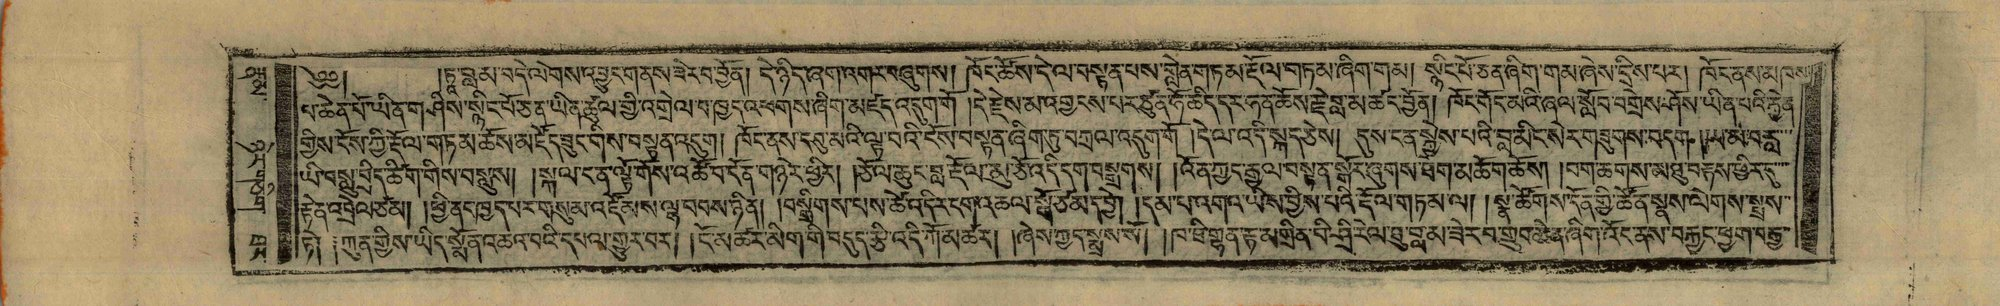༄༅། །ཏཱ་བླ་མ་བདེ་ལེགས་འབྱུང་གནས་ཟེར་བ་བྱོན། དེ་ཉིད་ཞག་འགར་བཞུགས། ཁོང་ཚོས་དེ་ལ་བསྟན་པས་གླེན་གཏམ་རྡོལ་གཏམ་ཞིག་གམ། སྙིང་པོ་ཅན་ཞིག་གམ་ཞེས་དྲིས་པར། ཁོང་ནས་མཁས་
པ་ཆེན་པོ་ཡིན་གཤིས་སྙིང་པོ་ཅན་ཡིན་ཚུལ་གྱི་འགྲེལ་བ་ཁྱད་འཕགས་ཞིག་མཛད་འདུག་གོ །དེ་རྗེས་མ་འགྱངས་པར་ཙུན་ཧོ་ཆིད་དར་ཉན་ཆོས་རྗེ་བླ་མ་ཚང་བྱོན། ཁོང་གོང་མའི་ཞལ་སློབ་བགྲེས་ཤོས་ཡིན་པའི་རྐྱེན་
གྱིས་ངོས་ཀྱི་རྡོལ་གཏམ་ཆོས་མཛོད་ཟུང་གིས་བསྟན་འདུག །ཁོང་ནས་དབུ་མའི་ལྟ་བའི་ངོས་བསྟན་ཞིག་ཏུ་བཀྲལ་འདུག་གོ །དེ་ལ་འདི་སྐད་ཅེས། དུས་ངན་སྐྱེས་པའི་བླ་མིང་སེར་གཟུགས་བདག །ཡ་མ་བརླ་
ཡི་བསླུ་བྲིད་ཚིག་གིས་བསླུས། །སྐལ་ངན་ལྟོ་གོས་འཚོ་བ་ངོན་གཉེར་ཕྱིར། །ཅོལ་ཆུང་བླ་རྡོལ་མུ་ཅོ་འདི་དག་བསྒྲགས། །འོན་ཀྱང་རྒྱལ་བསྟན་སྒོར་ཞུགས་ཐེག་མཆོག་ཆོས། །བག་ཆགས་མཐུ་བརྟས་ཕྱིར་དུ་
རྟེན་འབྲེལ་ཙམ། །ཕྱི་ནང་ཁྱད་པར་གསུམ་འཛོམས་ལྷ་བབས་ཉིན། །བསྒྲིགས་པས་ཚེ་འདིར་ངག་འཆལ་སྒོ་ཙམ་དབྱེ། །དམ་པ་འགའ་ཡིས་བྱིས་པའི་རྡོལ་གཏམ་ལ། །སྣ་ཚོགས་དོན་གྱི་ཚོན་སྣས་ལེགས་སྤྲས་
ཏེ༑ ༑ཀུན་གྱིས་ཡིད་སྨོན་འཆའ་བའི་དཔལ་གྱུར་བར། །ངོ་མཚར་མིག་གི་བདུད་རྩི་འདི་ཀོ་མཚར། །ཞེས་ཀྱང་སྨྲས་སོ། །ཁ་ཐི་གྷན་རྟ་མགྲིན་བི་ཤྲི་རེལ་ཐུ་བླ་མ་ཟེར་བ་གྲུབ་ཆེན་ཞིག་འོང་ནས་བརྐྱང་ཕྱག་བརྒྱ་